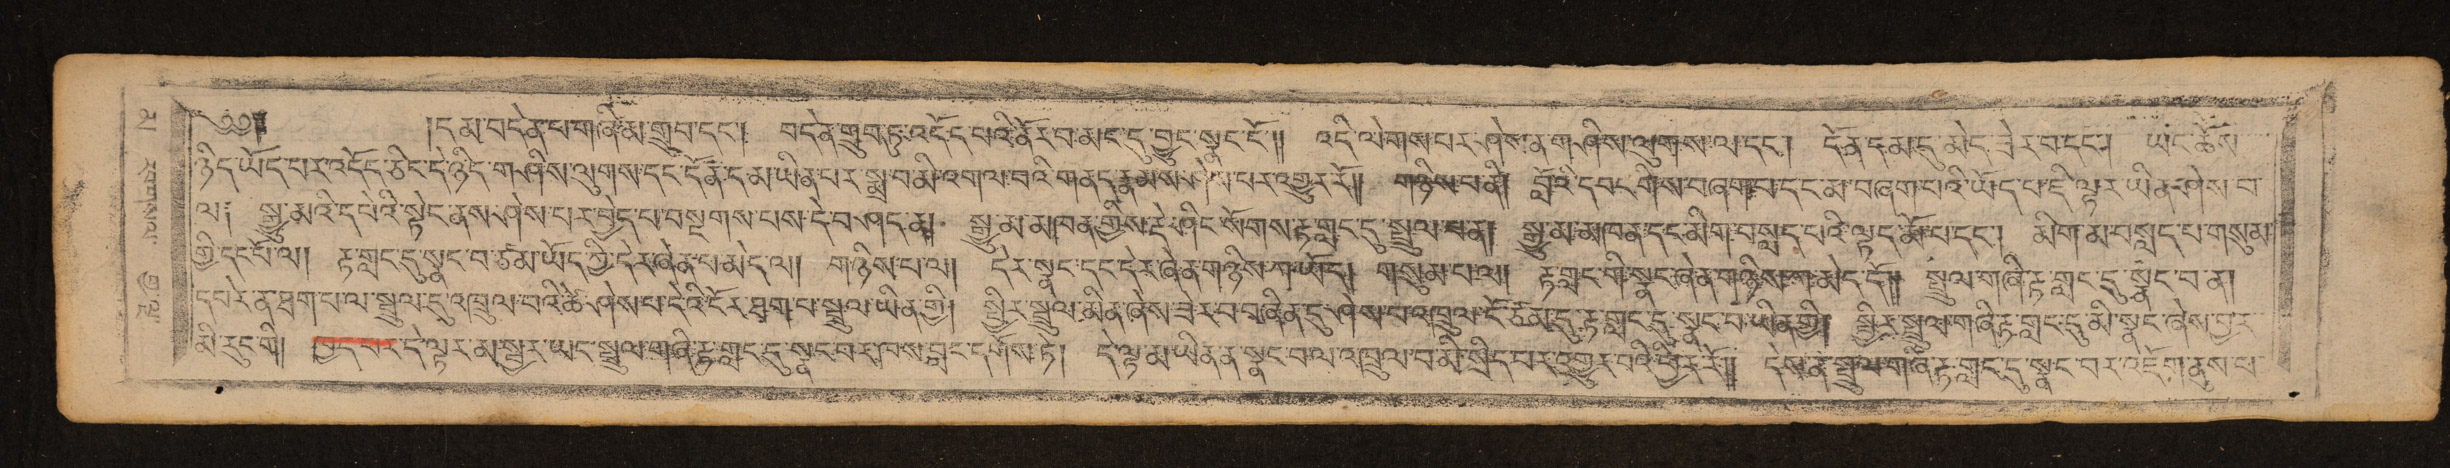༄༅། །དམ་བདེན་པ་གཞི་མ་གྲུབ་དང་། བདེན་གྲུབ་ཏུ་འདོད་པའི་ནོར་པ་མང་དུ་བྱུང་སྣང་ངོ།། འདི་ལེགས་པར་ཤེས་ན་གཤིས་ལུགས་ལ་དང་། དོན་དམ་དུ་མེད་ཟེར་བ་དང་། ཡང་ཆོས་
ཉིད་ཡོད་པར་འདོད་ཅིང་དེ་ཉིད་གཤིས་ལུགས་དང་དོན་དམ་ཡིན་པར་སྨྲ་བ་མི་འགལ་བའི་གནད་རྣམས་ཤེས་པར་འགྱུར་རོ།། གཉིས་པ་ནི། བློའི་དབང་གིས་བཞག་པ་དང་མ་བཞག་པའི་ཡོད་པ་ཇི་ལྟར་ཡིན་ཤེས་པ་
ལ༑ སྒྱུ་མའི་དཔེའི་སྟེང་ནས་ཤེས་པར་བྱེད་པ་བསྔགས་པས་དེ་བཤད་ན། སྒྱུ་མ་མཁན་གྱིས་རྡེ་ཤིང་སོགས་རྟ་གླང་དུ་སྤྲུལ་པ་ན། སྒྱུ་མ་མཁན་དང་མིག་བསླད་པའི་ལྟད་མོ་བ་དང་། མིག་མ་བསླད་པ་གསུམ་
གྱི་དང་པོ་ལ། རྟ་གླང་དུ་སྣང་བ་ཙམ་ཡོད་ཀྱི་དེར་ཞེན་པ་མེད་ལ། གཉིས་པ་ལ། དེར་སྣང་དང་དེར་ཞེན་གཉིས་ཀ་ཡོད། གསུམ་པ་ལ། རྟ་གླང་གི་སྣང་ཞེན་གཉིས་ཀ་མེད་དོ།། སྤྲུལ་གཞི་རྟ་གླང་དུ་སྣང་བ་ན།
དཔེར་ན་ཐག་པ་ལ་སྦྲུལ་དུ་འཁྲུལ་བའི་ཚེ་ཤེས་པ་དེའི་ངོར་ཐག་པ་སྦྲུལ་ཡིན་གྱི། སྤྱིར་སྦྲུལ་མིན་ཞེས་ཟེར་བ་བཞིན་དུ་ཤེས་པ་འཁྲུལ་ངོ་ཙམ་དུ་རྟ་གླང་དུ་སྣང་བ་ཡིན་གྱི། སྤྱིར་སྤྲུལ་གཞི་རྟ་གླང་དུ་མི་སྣང་ཞེས་བྱར་
མི་རུང་གི །ཁྱད་པར་དེ་ལྟར་མ་སྦྱར་ཡང་སྤྲུལ་གཞི་རྟ་གླང་དུ་སྣང་བར་ཁས་བླང་དགོས་ཏེ། དེ་ལྟ་མ་ཡིན་ན་སྣང་བ་ལ་འཁྲུལ་བ་མི་སྲིད་པར་འགྱུར་བའི་ཕྱིར་རོ།། དེས་ན་སྤྲུལ་གཞི་རྟ་གླང་དུ་སྣང་བར་འཇོག་ནུས་པ་